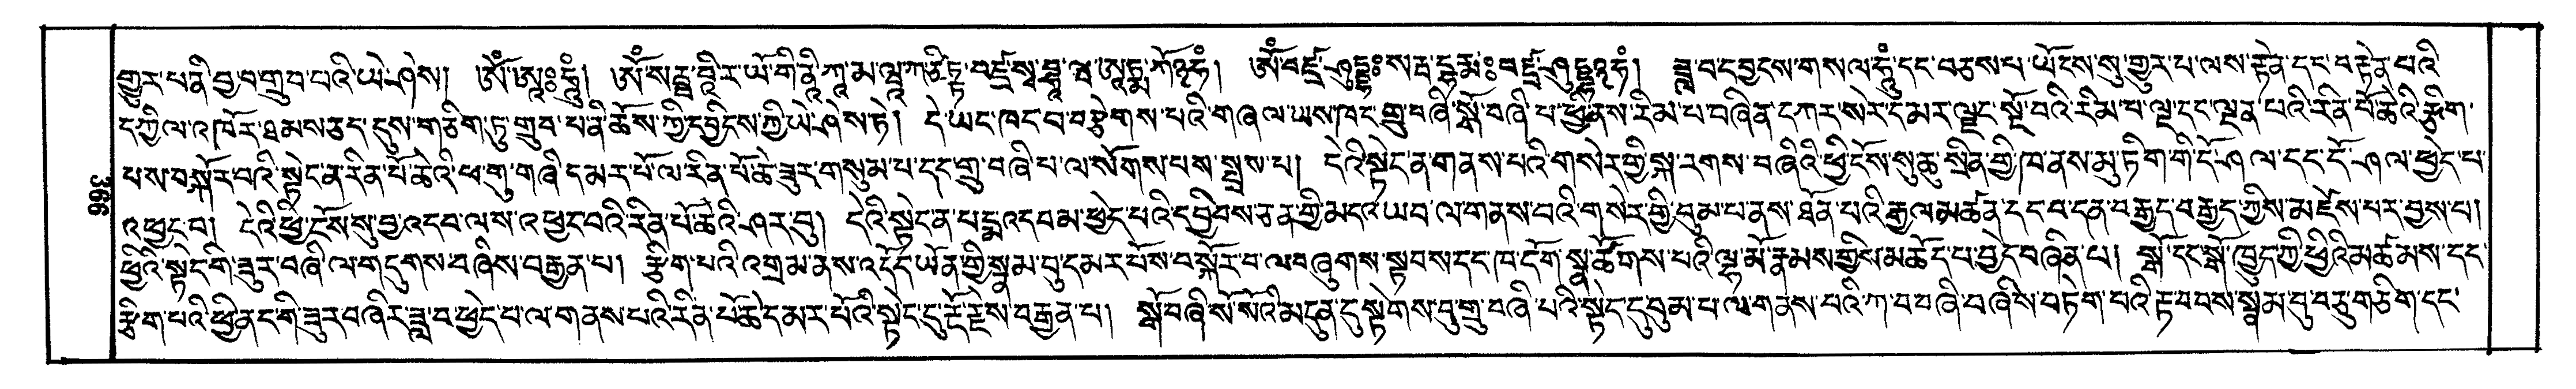གྱུར་པ་ནི་བྱ་བ་གྲུབ་པའི་ཡེ་ཤེས། ཨོཾ་ཨཱཿ ཧཱུཾ། ཨོཾ་སརྦྦ་བཱི་ར་ཡོ་གི་ནཱི་ཀཱ་ཡ་ཝཱ་ཀ་ཙིཏྟ་བཛྲ་སྭ་བྷཱ་ཝ་ཨཱ་ཏམ་ཀོཉྷཾ། ཨོཾ་བ་ཛྲ་ཤུདྡྷཿ སརྦ་དྷ་རྨཱཿ བཛྲ་ཤུ་དྡྷོཉྷཾ། ཟླ་བ་དབྱངས་གསལ་ཧཱུཾ་དང་བཅས་པ་ཡོངས་སུ་གྱུར་པ་ལས་རྟེན་དང་བརྟེན་པའི་
དཀྱིལ་འཁོར་ཐམས་ཅད་དུས་གཅིག་ཏུ་གྲུབ་པ་ནི་ཆོས་ཀྱི་དབྱིངས་ཀྱི་ཡེ་ཤེས་ཏེ། དེ་ཡང་ཁང་བ་བརྩེགས་པའི་གཞལ་ཡས་ཁང་གྲུ་བཞི་སྒོ་བཞི་པ་ཕྱི་ནས་རིམ་པ་བཞིན་དཀར་སེང་དམར་ལྗང་སྔོ་བའི་རིམ་པ་ལྔ་དང་ལྡན་པའི་རིན་པོ་ཆེའི་རྩིག་
པས་བསྐོར་བའི་སྟེང་ན་རིན་པོ་ཆེའི་ཕ་གུ་གཞི་དམར་བོ་ལ་རིན་པོ་ཆེ་ཟུར་གསུམ་པ་དང་གྲུ་བཞི་པ་ལ་སོགས་པས་སྤྲས་པ། དེའི་སྟེང་ན་གནས་པའི་གསེར་གྱི་སྐ་རགས་བཞིའི་ཕྱི་ངོས་སུ་ཆུ་སྲིན་གྱི་ཁ་ནས་མུ་ཏིག་གི་དོ་ཤལ་དང་དོ་ཤལ་ཕྱེད་པ་
འཕྱང་བ། དེའི་ཕྱི་ངོས་སུ་བྱ་འདབ་ལས་འཕྱང་བའི་རིན་པོ་ཆེའི་ཤར་བུ། དེའི་སྟེང་ན་པདམ་འདབ་མ་ཕྱེད་པའི་དབྱིབས་ཅན་གྱི་མདའ་ཡབ་ལ་གནས་པའི་གསེར་གྱི་བུམ་པ་ནས་ཐོན་པའི་རྒྱལ་མཚན་དང་བ་དན་བརྒྱད་བརྒྱད་ཀྱིས་མཛེས་པར་བྱས་པ།
ཕྱིའི་སྟེང་གི་ཟུར་བཞི་ལ་གདུགས་བཞིས་བརྒྱན་པ། རྩིག་པའི་འགྲམ་ནས་འདོད་ཡོན་གྱི་སྣམ་བུ་དམར་པོས་བསྐོར་བ་ལ་བཞུགས་སྟབས་དང་ཁ་དོག་སྣ་ཚོགས་པའི་ལྷ་མོ་རྣམས་ཀྱིས་མཆོད་པ་བྱེད་བཞིན་པ། སྒོ་དང་སྒོ་ཁྱུད་ཀྱི་ཕྱིའི་མཚམས་དང་
རྩིག་པའི་ཕྱི་ནང་གི་ཟུར་བཞིར་ཟླ་བ་ཕྱེད་པ་ལ་གནས་པའི་རིན་པོ་ཆེ་དམར་པོའི་སྟེང་དུ་རྡོ་རྗེས་བརྒྱན་པ། སྒོ་བཞི་སོ་སོའི་མདུན་དུ་སྟེགས་བུ་གྲུ་བཞི་པའི་སྟེང་དུ་བུམ་པ་ལ་གནས་པའི་ཀ་བ་བཞི་བཞིས་བཏེག་པའི་རྟ་བས་སྣམ་བུ་བཅུ་གཅིག་དང་